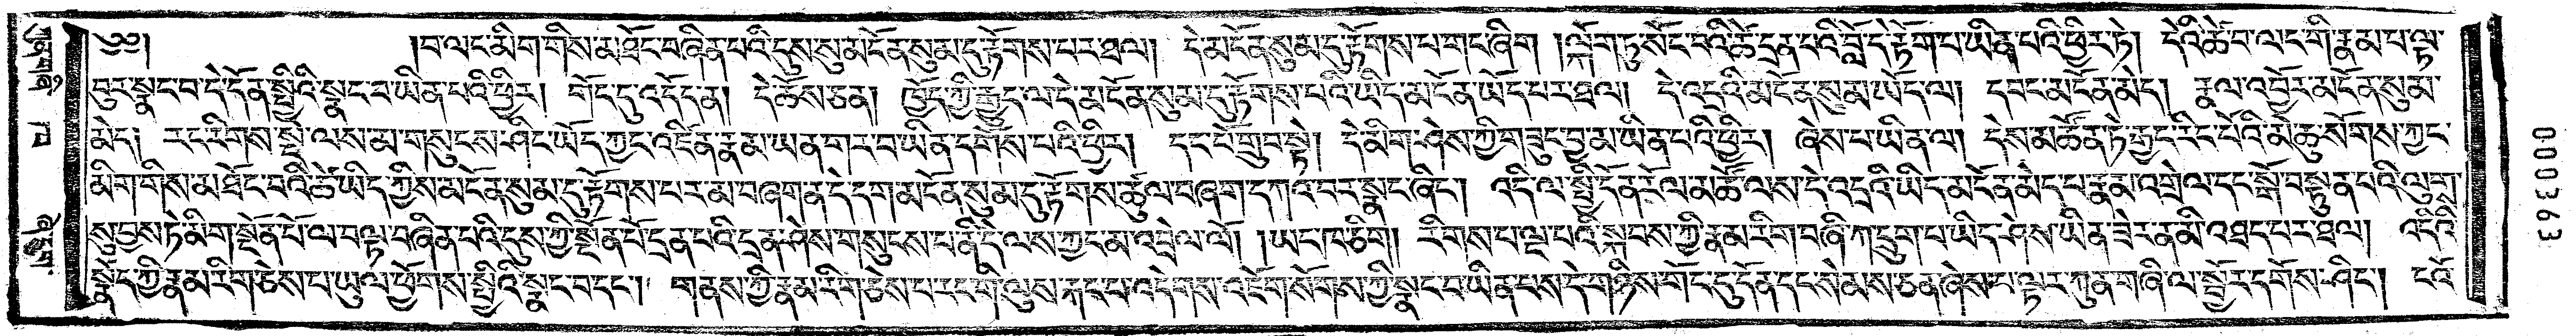༄༅། །བ་ལང་མིག་གིས་མཐོང་བཞིན་པའི་དུས་སུ་མངོན་སུམ་དུ་རྟོགས་པར་ཐལ། དེ་མངོན་སུམ་དུ་རྟོགས་པ་གང་ཞིག །ལྐོག་ཏུ་སོང་བའི་ཚེ་དྲན་པའི་བློ་དེ་རྟོག་པ་ཡིན་པའི་ཕྱིར་ཏེ། དེའི་ཚེ་བ་ལང་གི་རྣམ་པ་ལྟ་
བུར་སྣང་བ་དེ་དོན་སྤྱིའི་སྣང་བ་ཡིན་པའི་ཕྱིར། གོང་དུ་འདོད་ན། དེ་ཆོས་ཅན། ཁྱོད་ཀྱི་རྒྱད་ལ་དེ་མངོན་སུམ་དུ་རྟོགས་པའི་ཡིད་མངོན་ཡོད་པར་ཐལ། དེ་འདྲའི་མངོན་སུམ་ཡོད་ལ། དཔང་མངོན་མེད། རྣལ་འབྱོར་མངོན་སུམ་
མེད༑ རང་རིགས་སྡེ་ལས་མ་གསུངས་ཤིང་ཡོད་ཀྱང་འཛིན་རྣམ་ཡན་གར་བ་ཡིན་དགོས་པའི་ཕྱིར། དང་པོ་གྲུབ་སྟེ། དེ་མིག་ཤེས་ཀྱི་གཟུང་བྱ་མ་ཡིན་པའི་ཕྱིར། ཞེས་པ་ཡིན་ལ། དེས་མཚོན་ཏེ་རྒྱང་རིང་པོའི་མེ་ཆུ་སོགས་ཀྱང་
མིང་གིས་མཐོང་བའི་ཚེ་ཡིད་ཀྱིས་མངོན་སུམ་དུ་རྟོགས་པར་མ་བཞག་ན་དེ་དག་མངོན་སུམ་དུ་རྟོགས་ཚུལ་བཞག་དཀའ་བར་སྣང་ཞིང་། འདི་ལ་སྤྱི་དོན་རོལ་མཚོ་ལས་དེ་འདྲའི་ཡིད་མངོན་མེད་པ་རྣམ་འགྲེལ་དང་སྒོ་བསྟུན་པའི་ལུགས་
སུ་བྱས་ཏེ་མིག་སྔོན་པོ་ལ་བལྟ་བཞིན་པའི་དུས་ཀྱི་སྔོན་པོ་དྲན་པའི་དྲ་ན་ཤེས་གསུངས་པ་ནི་དེ་ལས་ཀྱང་མ་འབྲེལ་ལོ། །ཡང་ཁ་ཅིག། རིགས་པ་ལྔ་པའི་སྐབས་ཀྱི་རྣམ་རིག་བཞི་ཀ་དྲུག་པ་ཡིད་ཤེས་ཡིན་ཟེར་ན་མི་འཐད་པར་ཐལ། འདིའི་
སྣོད་ཀྱི་རྣམ་རིག་ཅེས་པ་ཡུལ་ཕྱོགས་སྤྱིའི་སྣང་བ་དང་། གནས་ཀྱི་རྣམ་རིག་ཅེས་པ་རང་གི་ལུས་རྐང་པ་འདེགས་འཇོག་སོགས་ཀྱི་སྣང་བ་ཡིན་པས་དེ་གཉིས་གོང་དུ་དོན་དང་སེམས་ཅན་ཞེས་པ་ལྟར་ཀུན་གཞི་ལ་སྦྱོར་དགོས་ཤིང་། ངའོ་